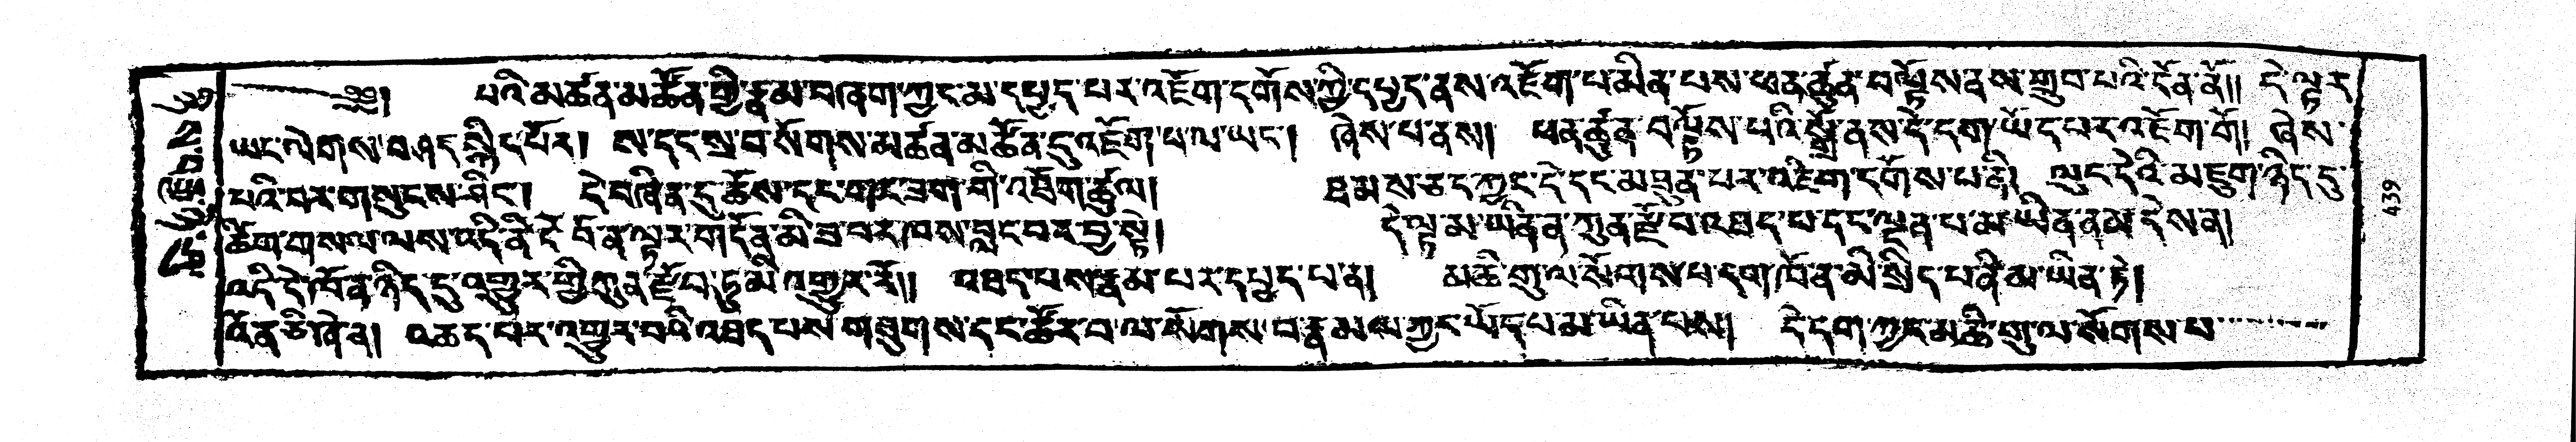༄༅། །པའི་མཚན་མཚོན་གྱི་རྣམ་བཞག་ཀྱང་མ་དཔྱད་པར་འཇོག་དགོས་ཀྱི་དཔྱད་ནས་འཇོག་པ་མིན་པས་ཕན་ཚུན་བལྟོས་ནས་གྲུབ་པའི་དོན་ནོ། །དེ་ལྟར་
ཡང་ལེགས་བཤད་སྙིང་པོར། ས་དང་སྲ་བ་སོགས་མཚན་མཚོན་དུ་འཇོག་པ་ལ་ཡང་། ཞེས་པ་ནས། ཕན་ཚུན་བལྟོས་པའི་སྒྲོ་ནས་དེ་དག་ཡོད་པར་འཇོག་གོ །ཞེས་
པའི་བར་གསུངས་ཤིང་། དེ་བཞིན་དུ་ཆོས་དང་གང་ཟག་གི་འཐོག་ཚུལ། ཐམས་ཅད་ཀྱང་དེ་དང་མཐུན་པར་འཇིག་དགོས་པ་ནི། ལུང་དེའི་མཇུག་ཉིད་དུ་
ཚིག་གསལ་ལས་འདི་ནི་ངོ་བོ་ན་ལྟར་གདོན་མི་ཟ་བར་ཁས་བླང་བར་བྱ་སྟེ། དེ་ལྟ་མ་ཡིན་ན་ཀུན་རྫོབ་འཐད་པ་དང་ལྡན་པ་མ་ཡིན་ནམ་དེས་ན།
འདི་དེ་ཁོ་ན་ཉིད་དུ་འགྱུར་གྱི་ཀུན་རྫོབ་ཏུ་མི་འགྱུར་རོ། །འཐད་པས་རྣམ་པར་དཔྱད་པ་ན། མཆི་གུ་ལ་སོགས་པ་དག་ཁོ་ན་མི་སྲིད་པ་ནི་མ་ཡིན་ཏེ།
འོ་ན་ཅི་ཞེ་ན། འཆད་པར་འགྱུར་བའི་འཐད་པས་གཟུགས་དང་ཚོར་བ་ལ་སོགས་པ་རྣམས་ཀྱང་ཡོད་པ་མ་ཡིན་པས། དེ་དག་ཀྱང་མཆི་གུ་ལ་སོགས་པ་